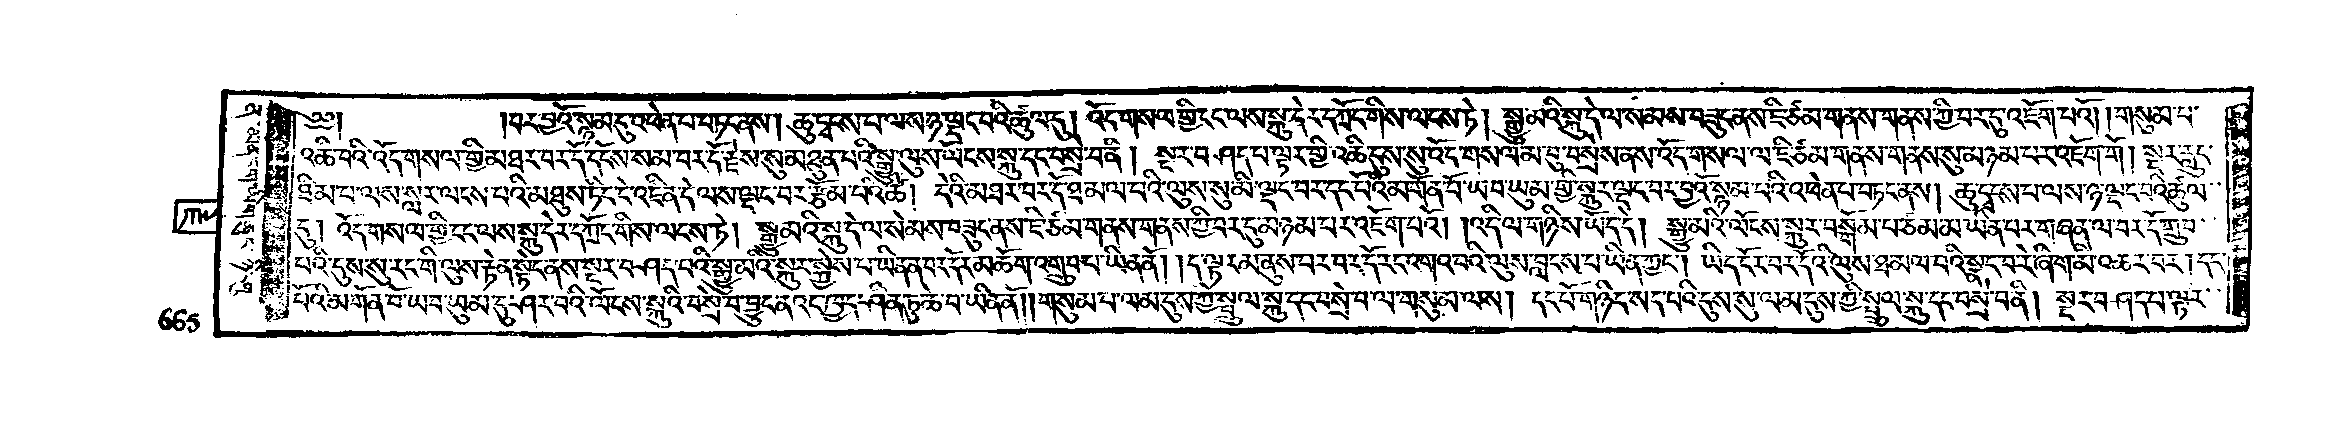༄༅། །བར་བྱའོ་སྙམ་དུ་འཕེན་པ་བཏང་ནས། ཆུ་དྭངས་པ་ལས་ཉ་ལྡང་བའི་ཚུལ་དུ། འོད་གསལ་གྱི་ངང་ལས་སྐུ་དེར་དཀྲོང་གིས་ལངས་ཏེ། སྒྱུ་མའི་སྐུ་དེ་ལ་སེམས་བཟུང་ནས་ཇི་ཙམ་གནས་གནས་ཀྱི་བར་དུ་འཇོག་པའོ། །གསུམ་པ་
འཆི་བའི་འོད་གསལ་གྱི་མཐར་བར་དོ་དངོས་སམ་བར་དོ་རྗེས་སུ་མཐུན་པའི་སྒྱུ་ལུས་ལོངས་སྐུ་དང་བསྲེ་བ་ནི། སྔར་བཤད་པ་ལྟར་གྱི་འཆི་དུས་སུ་འོད་གསལ་མ་བུ་བསྲེས་ནས་འོད་གསལ་ལ་ཇི་ཙམ་གནས་གནས་སུ་མཉམ་པར་འཇོག་གོ །སྔར་རླུང་
ཐིམ་པ་ལས་སླར་ལངས་པའི་མཐུས་ཏིང་ངེ་འཛིན་དེ་ལས་ལྡང་བར་རྩོམ་པའི་ཚེ། དེའི་མཐར་བར་དོ་ཐ་མལ་པའི་ལུས་སུ་མི་ལྡང་བར་དང་པོའི་མགོན་པོ་ཡབ་ཡུམ་གྱི་སྐུར་ལྡང་བར་བྱའོ་སྙམ་པའི་འཕེན་པ་བཏང་ནས། ཆུ་དྭངས་པ་ལས་ཉ་ལྡང་བའི་ཚུལ་
དུ། འོད་གསལ་གྱི་ངང་ལས་སྐུ་དེར་དཀྲོང་གིས་ལངས་ཏེ། སྒྱུ་མའི་སྐུ་དེ་ལ་སེམས་བཟུང་ནས་ཇི་ཙམ་གནས་གནས་ཀྱི་བར་དུ་མཉམ་པར་འཇོག་པའོ། །འདི་ལ་གཉིས་ཡོད་དེ། སྒྱུ་མའི་ལོངས་སྐུར་བསྒོམ་པ་ཙམ་མ་ཡིན་པར་གཞན་ལ་བར་དོ་གྲུབ་
པའི་དུས་སུ་རང་གི་ལུས་རྟེན་སྟེང་ནས་སྔར་བཤད་པའི་སྒྱུ་མའི་སྐུར་སྐྱེས་པ་ཡིན་ན་བར་དོར་མཆོག་འགྲུབ་པ་ཡིན་ནོ། །ད་ལྟར་མ་ནུས་པར་བར་དོ་རང་འགའ་བའི་ལུས་བླངས་པ་ཡིན་ཀྱང་། ཡིད་དེར་བར་དོའི་ལུས་ཐ་མལ་པའི་སྣང་བ་རེ་ཞིག་མི་འཆར་བར། དང་
པོའི་མགོན་པོ་ཡབ་ཡུམ་དུ་ཤར་བའི་ལོངས་སྐུའི་བསྲེ་བ་བྱུང་ནའང་ཁྱད་ཤིན་ཏུ་ཆེ་བ་ཡིན་ནོ། །གསུམ་པ་ལམ་དུས་ཀྱི་སྤྲུལ་སྐུ་དང་བསྲེ་བ་ལ་གསུམ་ལས། དང་པོ་གཉིད་སད་པའི་དུས་སུ་ལམ་དུས་ཀྱི་སྤྲུལ་སྐུ་དང་བསྲེ་བ་ནི། སྔར་བཤད་པ་ལྟར་